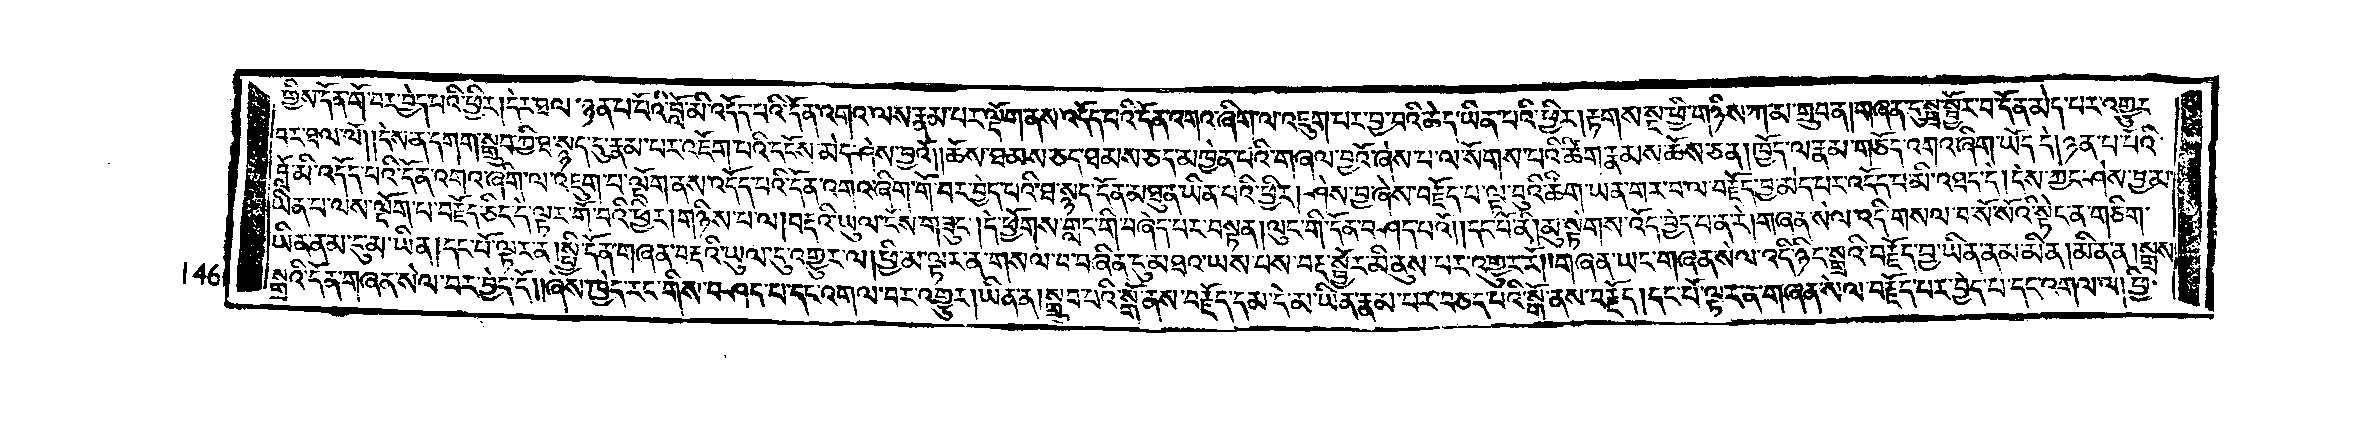གྱིས་དོན་གོ་བར་བྱེད་པའི་ཕྱིར། དེར་ཐལ་ཉན་པ་པོའི་བློ་མི་འདོད་པའི་དོན་འགའ་ལས་རྣམ་པར་ལྡོག་ནས་འདོད་པའི་དོན་འགའ་ཞིག་ལ་འཇུག་པར་བྱ་བའི་ཆེད་ཡིན་པའི་ཕྱིར། རྟགས་སྔ་ཕྱི་གཉིས་ཀ་མ་གྲུབ་ན། གཞན་དུ་སྒྲ་སྦྱོར་བ་དོན་མེད་པར་འགྱུར་
བར་ཐལ་ལོ། །དེས་ན་དགག་སྒྲུབ་ཀྱི་ཐ་སྙད་དུ་རྣམ་པར་འཇོག་པའི་དངོས་མེད་ཤེས་བྱའོ། །ཆོས་ཐམས་ཅད་ཐམས་ཅད་མཁྱེན་པའི་གཞལ་བྱའོ་ཞེས་པ་ལ་སོགས་པའི་ཚིག་རྣམས་ཆོས་ཅན། ཁྱོད་ལ་རྣམ་གཅོད་འགའ་ཞིག་ཡོད་དེ། ཉན་པ་པོའི་
བློ་མི་འདོད་པའི་དོན་འགའ་ཞིག་ལ་འཇུག་པ་ལྡོག་ནས་འདོད་པའི་དོན་འགའ་ཞིག་གོ་བར་བྱེད་པའི་ཐ་སྙད་དོན་མཐུན་ཡིན་པའི་ཕྱིར། ཤེས་བྱ་ཞེས་བརྗོད་པ་ལྟ་བུའི་ཚིག་ཡན་གར་བ་ལ་བརྗོད་བྱ་མེད་པར་འདོད་པ་མི་འཐད་དེ། དེས་ཀྱང་ཤེས་བྱ་མ་
ཡིན་པ་ལས་ལྡོག་པ་བརྗོད་ཅིང་དེ་ལྟར་གོ་བའི་ཕྱིར། གཉིས་པ་ལ། བརྡའི་ཡུལ་ངོས་གཟུང་། དེ་ཕྱོགས་གླང་གི་བཞེད་པར་བསྟན། ལུང་གི་དོན་བཤད་པའོ། །དང་པོ་ནི། མུ་སྟེགས་འོད་བྱེད་པ་ན་རེ། གཞན་སེལ་འདི་གསལ་བ་སོ་སོའི་སྟེང་ན་གཅིག་
ཡིན་ནམ་དུ་མ་ཡིན། དང་པོ་ལྟར་ན། སྤྱི་དོན་གཞན་བརྡའི་ཡུལ་དུ་འགྱུར་ལ། ཕྱི་མ་ལྟར་ན་གསལ་བ་བཞིན་དུ་མཐའ་ཡས་པས་བརྡ་སྦྱོར་མི་ནུས་པར་འགྱུར་རོ། །གཞན་ཡང་གཞན་སེལ་འདི་ཉིད་སྒྲའི་བརྗོད་བྱ་ཡིན་ནམ་མིན། མིན་ན། སྒྲས་
སྒྲའི་དོན་གཞན་སེལ་བར་བྱེད་དོ། །ཞེས་ཁྱེད་རང་གིས་བཤད་པ་དང་འགལ་བར་འགྱུར། ཡིན་ན། སྒྲུབ་པའི་སྒོ་ནས་བརྗོད་དམ་དེ་མ་ཡིན་རྣམ་པར་བཅད་པའི་སྒོ་ནས་བརྗོད། དང་པོ་ལྟར་ན་གཞན་སེལ་བརྗོད་པར་བྱེད་པ་དང་འགལ་ལ། ཕྱི་